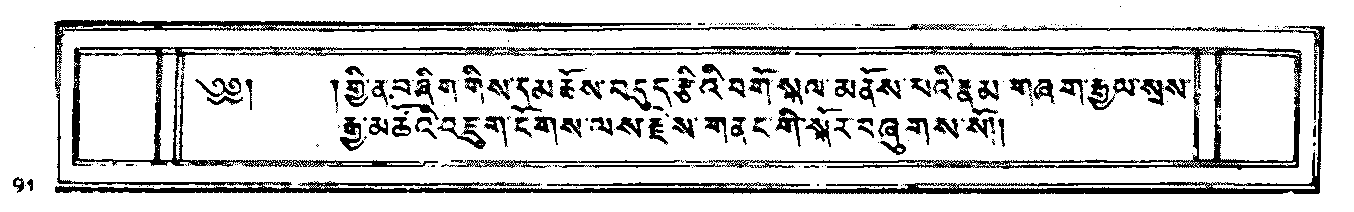༄༅། །གྱི་ན་བ་ཞིག་གིས་དམ་ཆོས་བདུད་རྩིའི་བགོ་སྐལ་མནོས་པའི་རྣམ་གཞག་རྒྱལ་སྲས་
རྒྱ་མཚོའི་འཇུག་ངོགས་ལས་རྗེས་གནང་གི་སྐོར་བཞུགས་སོ། །